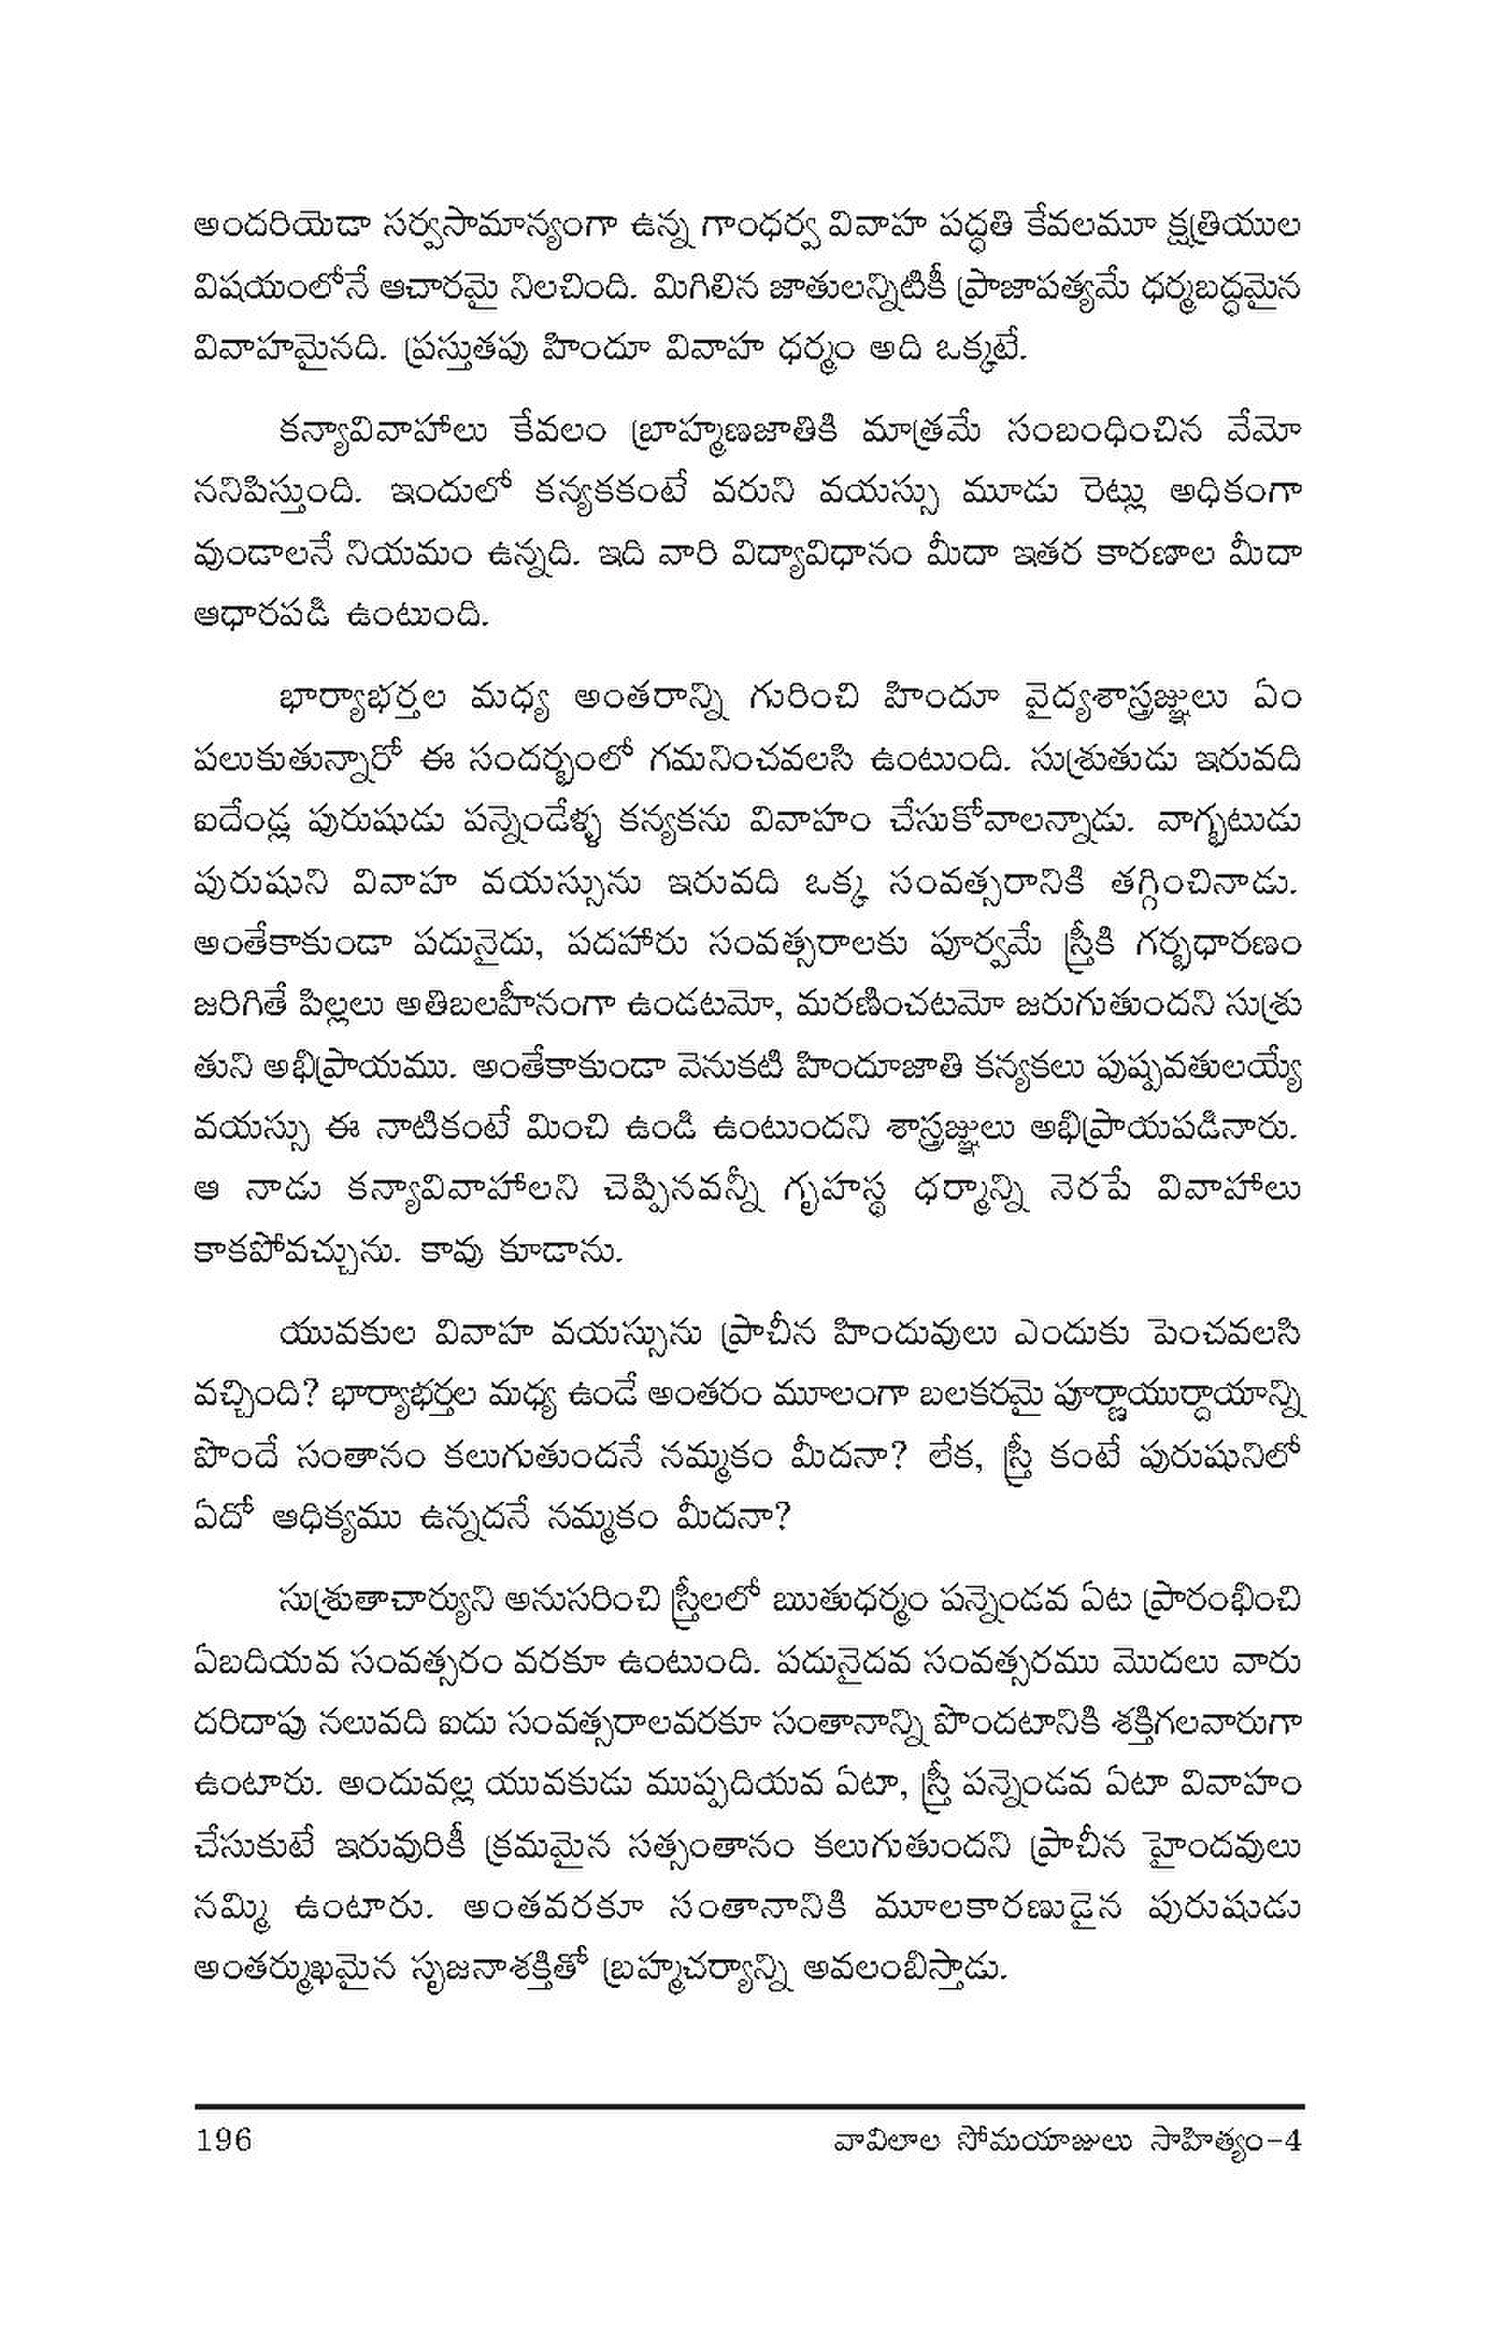అందరియెడా సర్వసామాన్యంగా ఉన్న గాంధర్వ వివాహ పద్ధతి కేవలమూ క్షత్రియుల
విషయంలోనే ఆచారమై నిలచింది. మిగిలిన జాతులన్నిటికీ ప్రాజాపత్యమే ధర్మబద్ధమైన
వివాహమైనది. ప్రస్తుతపు హిందూ వివాహ ధర్మం అది ఒక్కటే.

కన్యావివాహాలు కేవలం బ్రాహ్మణజాతికి మాత్రమే సంబంధించిన వేమో
ననిపిస్తుంది. ఇందులో కన్యకకంటే వరుని వయస్సు మూడు రెట్లు అధికంగా
వుండాలనే నియమం ఉన్నది. ఇది వారి విద్యావిధానం మీదా ఇతర కారణాల మీదా
ఆధారపడి ఉంటుంది.

భార్యాభర్తల మధ్య అంతరాన్ని గురించి హిందూ వైద్యశాస్త్రజ్ఞులు ఏం
పలుకుతున్నారో ఈ సందర్భంలో గమనించవలసి ఉంటుంది. సుశ్రుతుడు ఇరువది
ఐదేండ్ల పురుషుడు పన్నెండేళ్ళ కన్యకను వివాహం చేసుకోవాలన్నాడు. వాగ్భటుడు
పురుషుని వివాహ వయస్సును ఇరువది ఒక్క సంవత్సరానికి తగ్గించినాడు.
అంతేకాకుండా పదునైదు, పదహారు సంవత్సరాలకు పూర్వమే స్త్రీకి గర్భధారణం
జరిగితే పిల్లలు అతిబలహీనంగా ఉండటమో, మరణించటమో జరుగుతుందని సుశ్రుతుని అభిప్రాయము. అంతేకాకుండా వెనుకటి హిందూజాతి కన్యకలు పుష్పవతులయ్యే
వయస్సు ఈ నాటికంటే మించి ఉండి ఉంటుందని శాస్త్రజ్ఞులు అభిప్రాయపడినారు.
ఆ నాడు కన్యావివాహాలని చెప్పినవన్నీ గృహస్థ ధర్మాన్ని నెరపే వివాహాలు
కాకపోవచ్చును. కావు కూడాను.

యువకుల వివాహ వయస్సును ప్రాచీన హిందువులు ఎందుకు పెంచవలసి
వచ్చింది? భార్యాభర్తల మధ్య ఉండే అంతరం మూలంగా బలకరమై పూర్ణాయుర్దాయాన్ని
పొందే సంతానం కలుగుతుందనే నమ్మకం మీదనా? లేక, స్త్రీ కంటే పురుషునిలో
ఏదో ఆధిక్యము ఉన్నదనే నమ్మకం మీదనా?

సుశ్రుతాచార్యుని అనుసరించి స్త్రీలలో ఋతుధర్మం పన్నెండవ ఏట ప్రారంభించి
ఏబదియవ సంవత్సరం వరకూ ఉంటుంది. పదునైదవ సంవత్సరము మొదలు వారు
దరిదాపు నలువది ఐదు సంవత్సరాలవరకూ సంతానాన్ని పొందటానికి శక్తిగలవారుగా
ఉంటారు. అందువల్ల యువకుడు ముప్పదియవ ఏటా, స్త్రీ పన్నెండవ ఏటా వివాహం
చేసుకుటే ఇరువురికీ క్రమమైన సత్సంతానం కలుగుతుందని ప్రాచీన హైందవులు
నమ్మి ఉంటారు. అంతవరకూ సంతానానికి మూలకారణుడైన పురుషుడు
అంతర్ముఖమైన సృజనాశక్తితో బ్రహ్మచర్యాన్ని అవలంబిస్తాడు.